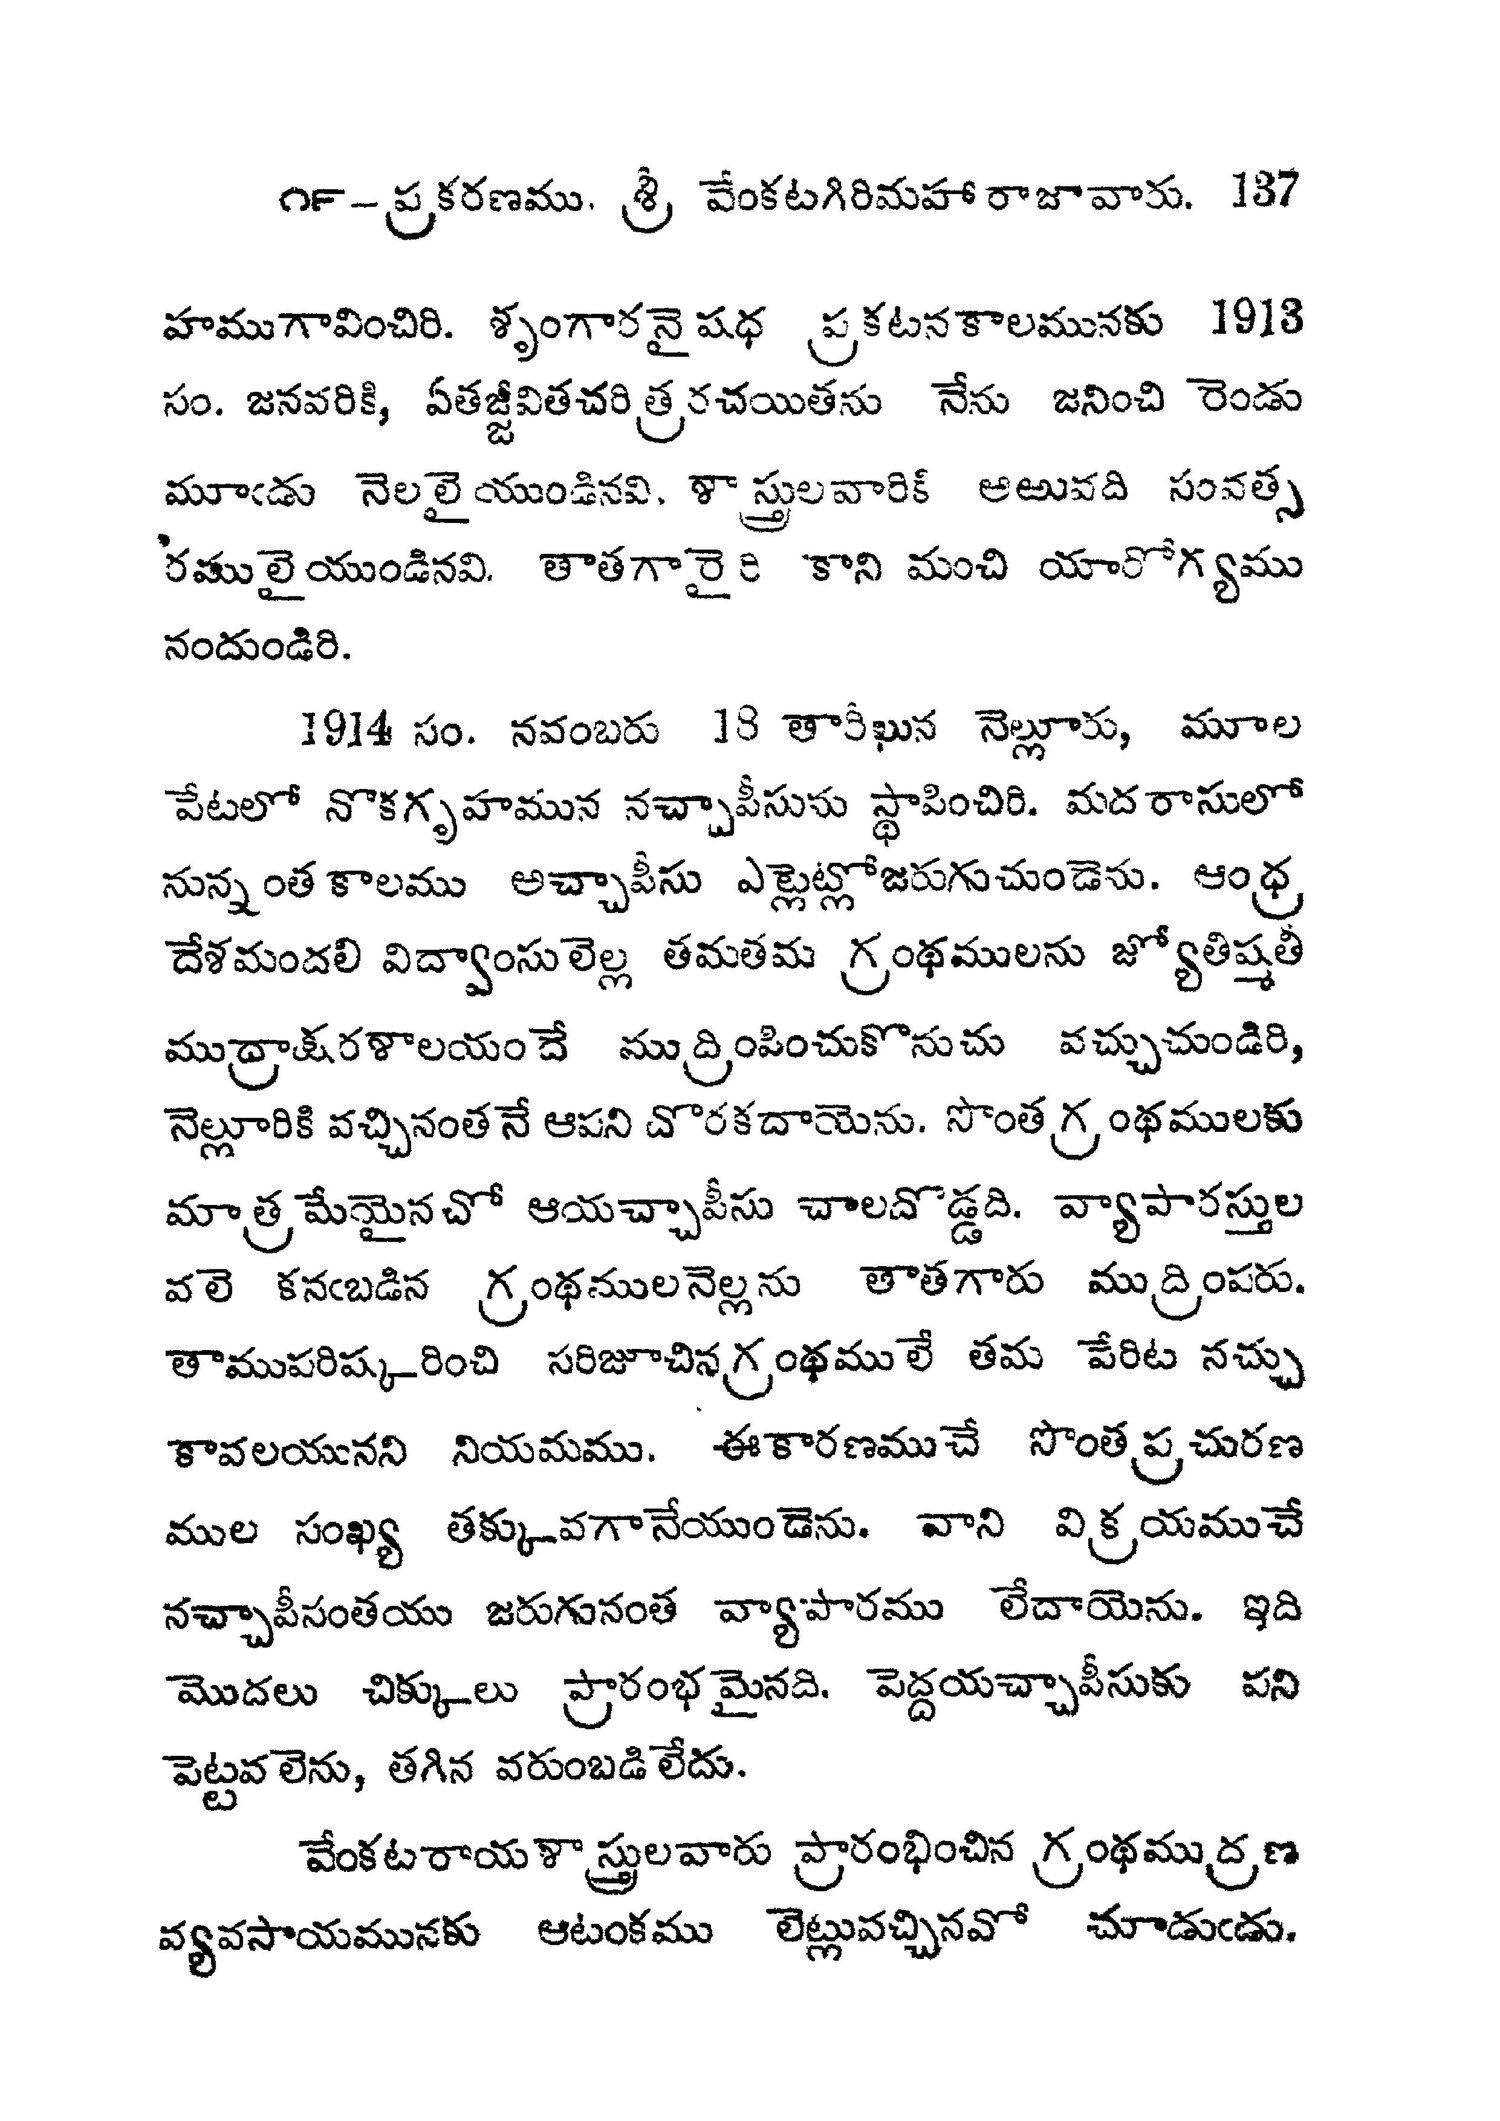హముగావించిరి. శృంగారనైషధ ప్రకటనకాలమునకు 1913 సం. జనవరికి, ఏతజ్జీవితచరిత్రరచయితను నేను జనించి రెండు మూడు నెలలై యుండినవి. శాస్త్రులవారికి అఱువది సవత్సరములై యుండినవి. తాతగారైరి కాని మంచి యారోగ్యము నందుండిరి.

1914 సం. నవంబరు 18 తారీఖున నెల్లూరు, మూల పేటలో నొకగృహమున నచ్చాపీసును స్థాపించిరి. మదరాసులో నున్నంతకాలము అచ్చాపీసు ఎట్లెట్లోజరుగుచుండెను. ఆంధ్ర దేశమందలి విద్వాంసులెల్ల తమతమ గ్రంథములను జ్యోతిష్మతి ముద్రాక్షరశాలయందే ముద్రింపించుకొనుచు వచ్చుచుండిరి, నెల్లూరికి వచ్చినంతనే ఆపని దొరకదాయెను. సొంతగ్రంథములకు మాత్రమేయైనచో ఆయచ్చాపీసు చాలదొడ్డది. వ్యాపారస్తులవలె కనబడిన గ్రంథములనెల్లను తాతగారు ముద్రింపరు. తాము పరిష్కరించి సరిజూచినగ్రంథములే తమ పేరిట నచ్చుకావలయునని నియమము. ఈకారణముచే సొంతప్రచురణముల సంఖ్య తక్కువగానే యుండెను. వాని విక్రయముచే నచ్చాపీసంతయు జరుగునంత వ్యాపారము లేదాయెను. ఇది మొదలు చిక్కులు ప్రారంభమైనది. పెద్దయచ్చాపీసుకు పని పెట్టవలెను, తగిన వరుంబడిలేదు.

వేంకటరాయశాస్త్రులవారు ప్రారంభించిన గ్రంథముద్రణ వ్యవసాయమునకు ఆటంకము లెట్లువచ్చినవో చూడుడు.